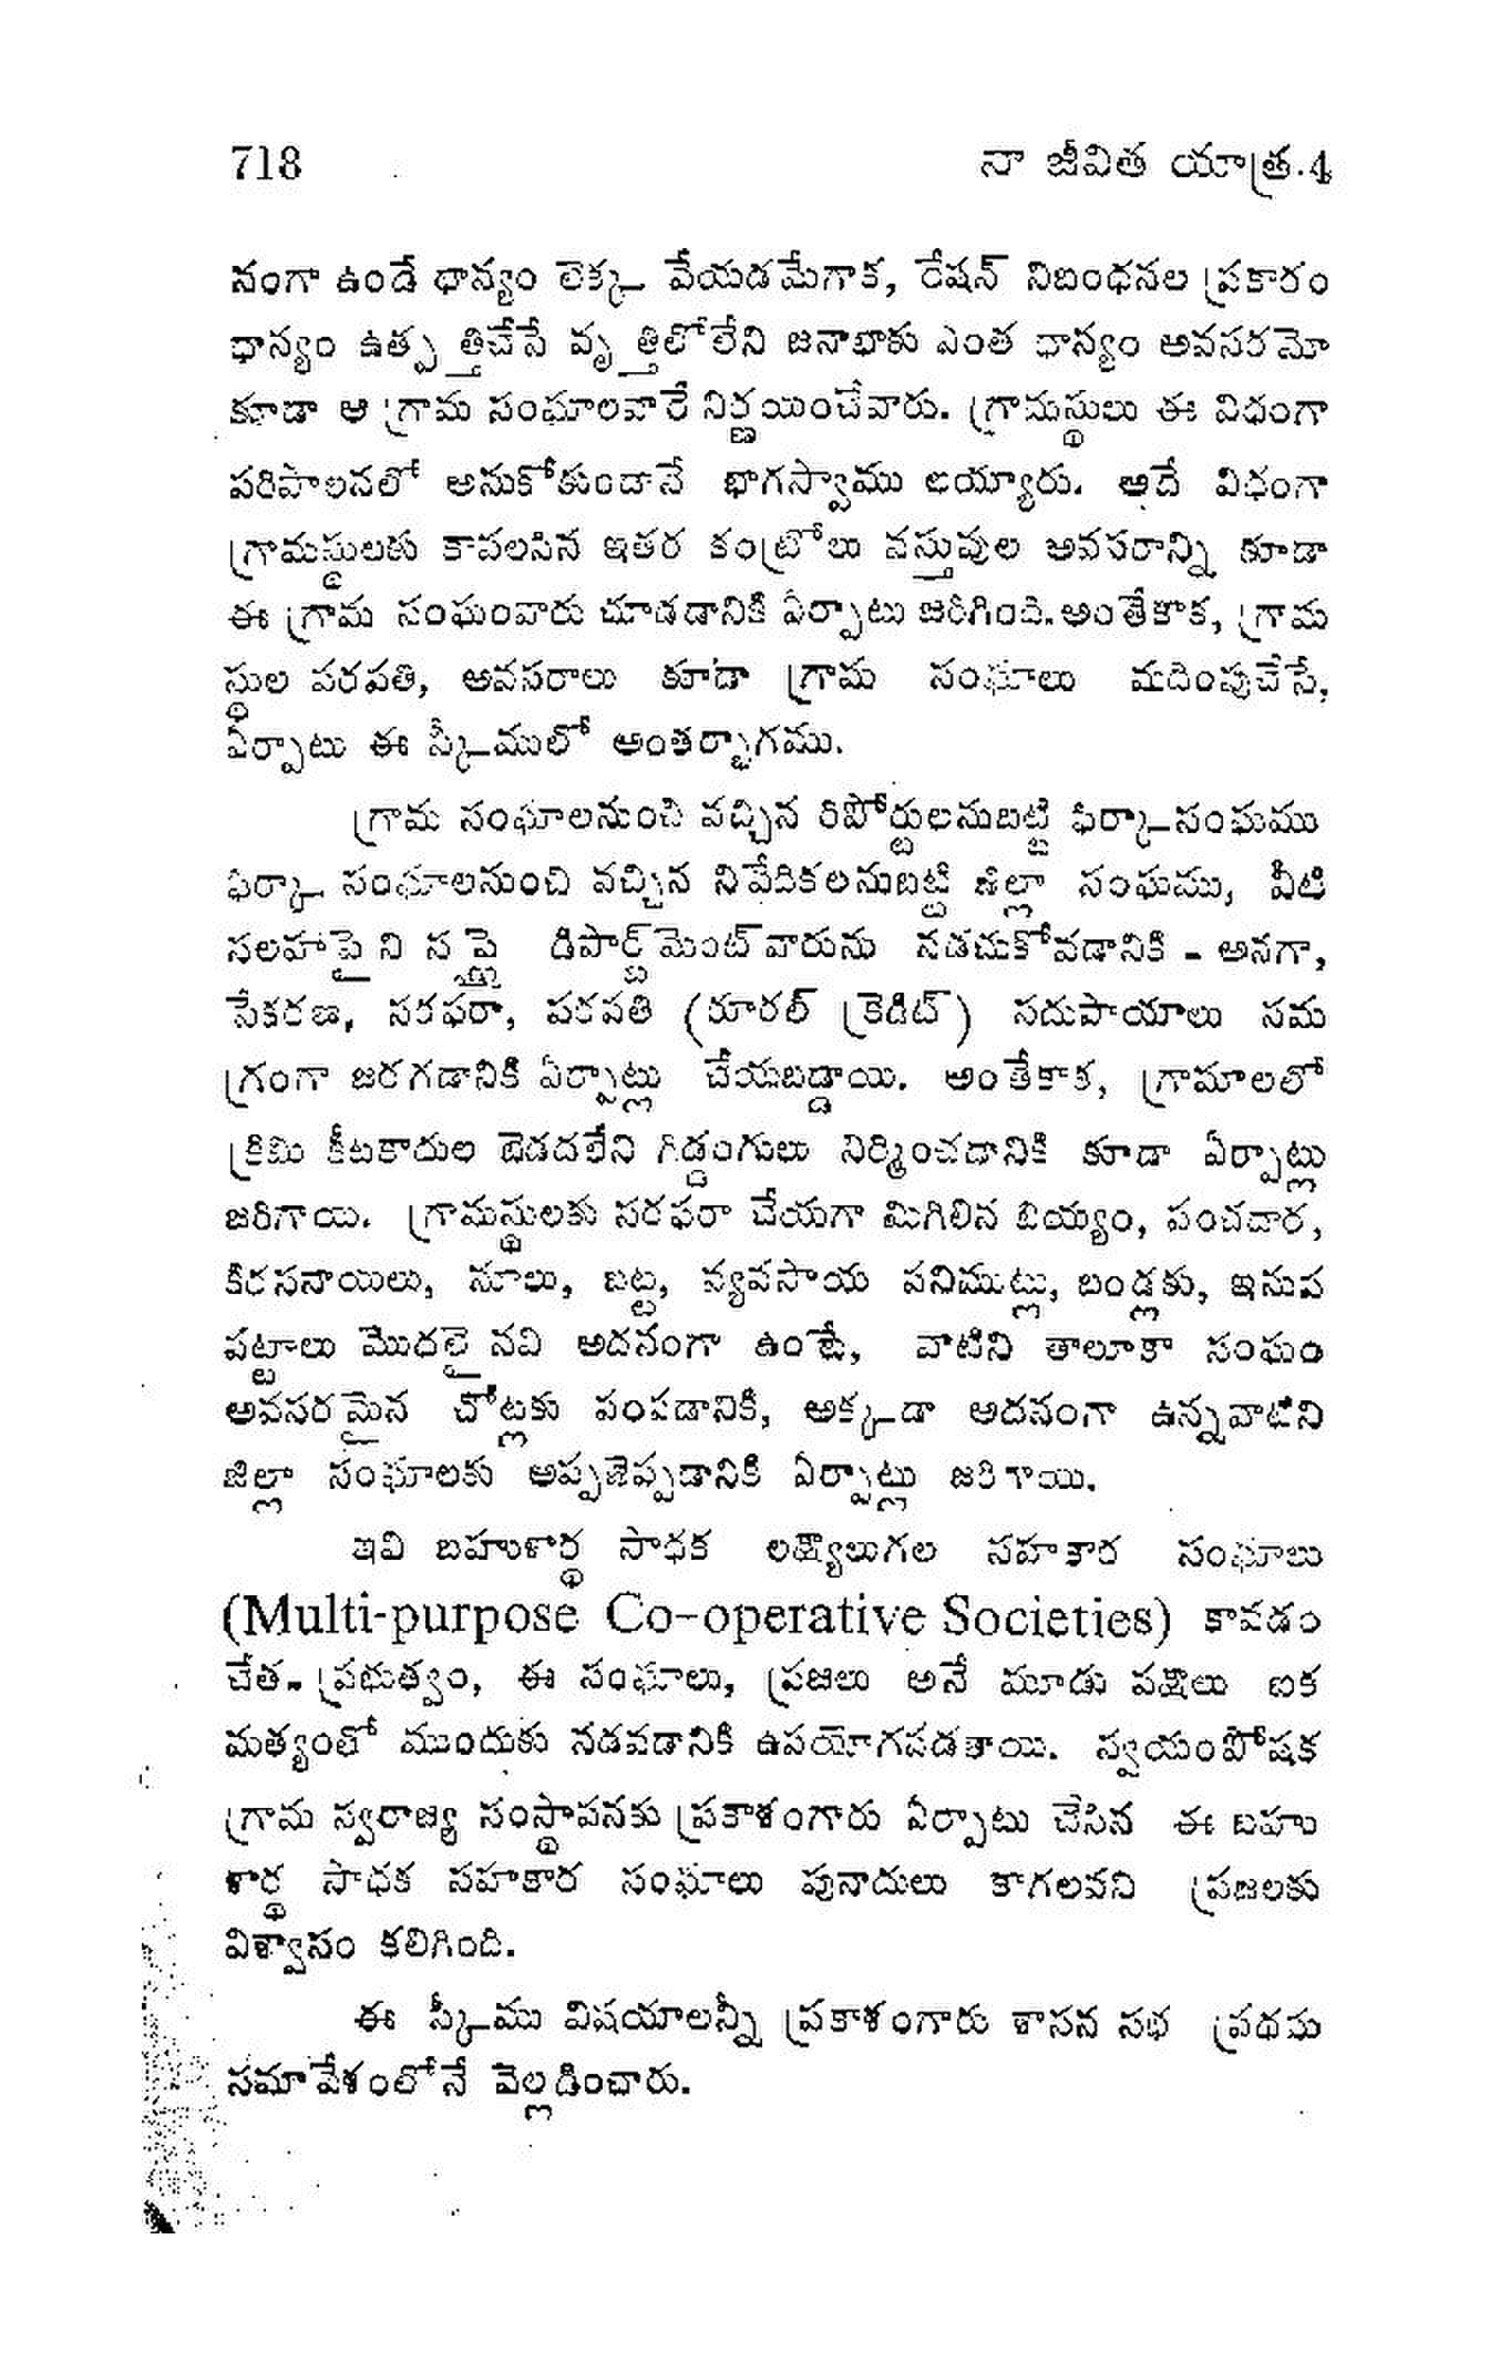నంగా ఉండే ధాన్యం లెక్క వేయడమేగాక, రేషన్ నిబంధనల ప్రకారం ధాన్యం ఉత్పత్తిచేసే వృత్తిలోలేని జనాభాకు ఎంత ధాన్యం అవసరమో కూడా ఆ గ్రామ సంఘాలవారే నిర్ణయించేవారు. గ్రామస్థులు ఈ విధంగా పరిపాలనలో అనుకోకుండానే భాగస్వాము లయ్యారు. అదే విధంగా గ్రామస్థులకు కావలసిన ఇతర కంట్రోలు వస్తువుల అవసరాన్ని కూడా ఈ గ్రామ సంఘంవారు చూడడానికి ఏర్పాటు జరిగింది. అంతేకాక, గ్రామస్థుల పరపతి, అవసరాలు కూడా గ్రామ సంఘాలు మదింపుచేసే, ఏర్పాటు ఈ స్కీములో అంతర్భాగము.

గ్రామ సంఘాలనుంచి వచ్చిన రిపోర్టులనుబట్టి ఫిర్కా సంఘము ఫిర్కా సంఘాలనుంచి వచ్చిన నివేదికలనుబట్టి జిల్లా సంఘము, వీటి సలహాపైని సప్లై డిపార్ట్‌మెంట్‌వారును నడచుకోవడానికి - అనగా, సేకరణ, సరఫరా, పరపతి (రూరల్ క్రెడిట్) సదుపాయాలు సమగ్రంగా జరగడానికి ఏర్పాట్లు చేయబడ్డాయి. అంతేకాక, గ్రామాలలో క్రిమి కీటకాదుల బెడదలేని గిడ్డంగులు నిర్మించడానికి కూడా ఏర్పాట్లు జరిగాయి, గ్రామస్థులకు సరఫరా చేయగా మిగిలిన బియ్యం, పంచదార, కిరసనాయిలు, నూలు, బట్ట, వ్యవసాయ పనిముట్లు, బండ్లకు, ఇనుప పట్టాలు మొదలైనవి అదనంగా ఉంటే, వాటిని తాలూకా సంఘం అవసరమైన చోట్లకు పంపడానికి, అక్కడా అదనంగా ఉన్నవాటిని జిల్లా సంఘాలకు అప్పజెప్పడానికి ఏర్పాట్లు జరిగాయి.

ఇవి బహుళార్థ సాధక లక్ష్యాలుగల సహకార సంఘాలు (Multi-purpose Co-operative Societies) కావడంచేత-ప్రభుత్వం, ఈ సంఘాలు, ప్రజలు అనే మూడు పక్షాలు ఐకమత్యంతో ముందుకు నడవడానికి ఉపయోగపడతాయి. స్వయంపోషక గ్రామ స్వరాజ్య సంస్థాపనకు ప్రకాశంగారు ఏర్పాటు చేసిన ఈ బహుళార్థ సాధక సహకార సంఘాలు పునాదులు కాగలవని ప్రజలకు విశ్వాసం కలిగింది.

ఈ స్కీము విషయాలన్నీ ప్రకాశంగారు శాసన సభ ప్రథమ సమావేశంలోనే వెల్లడించారు.